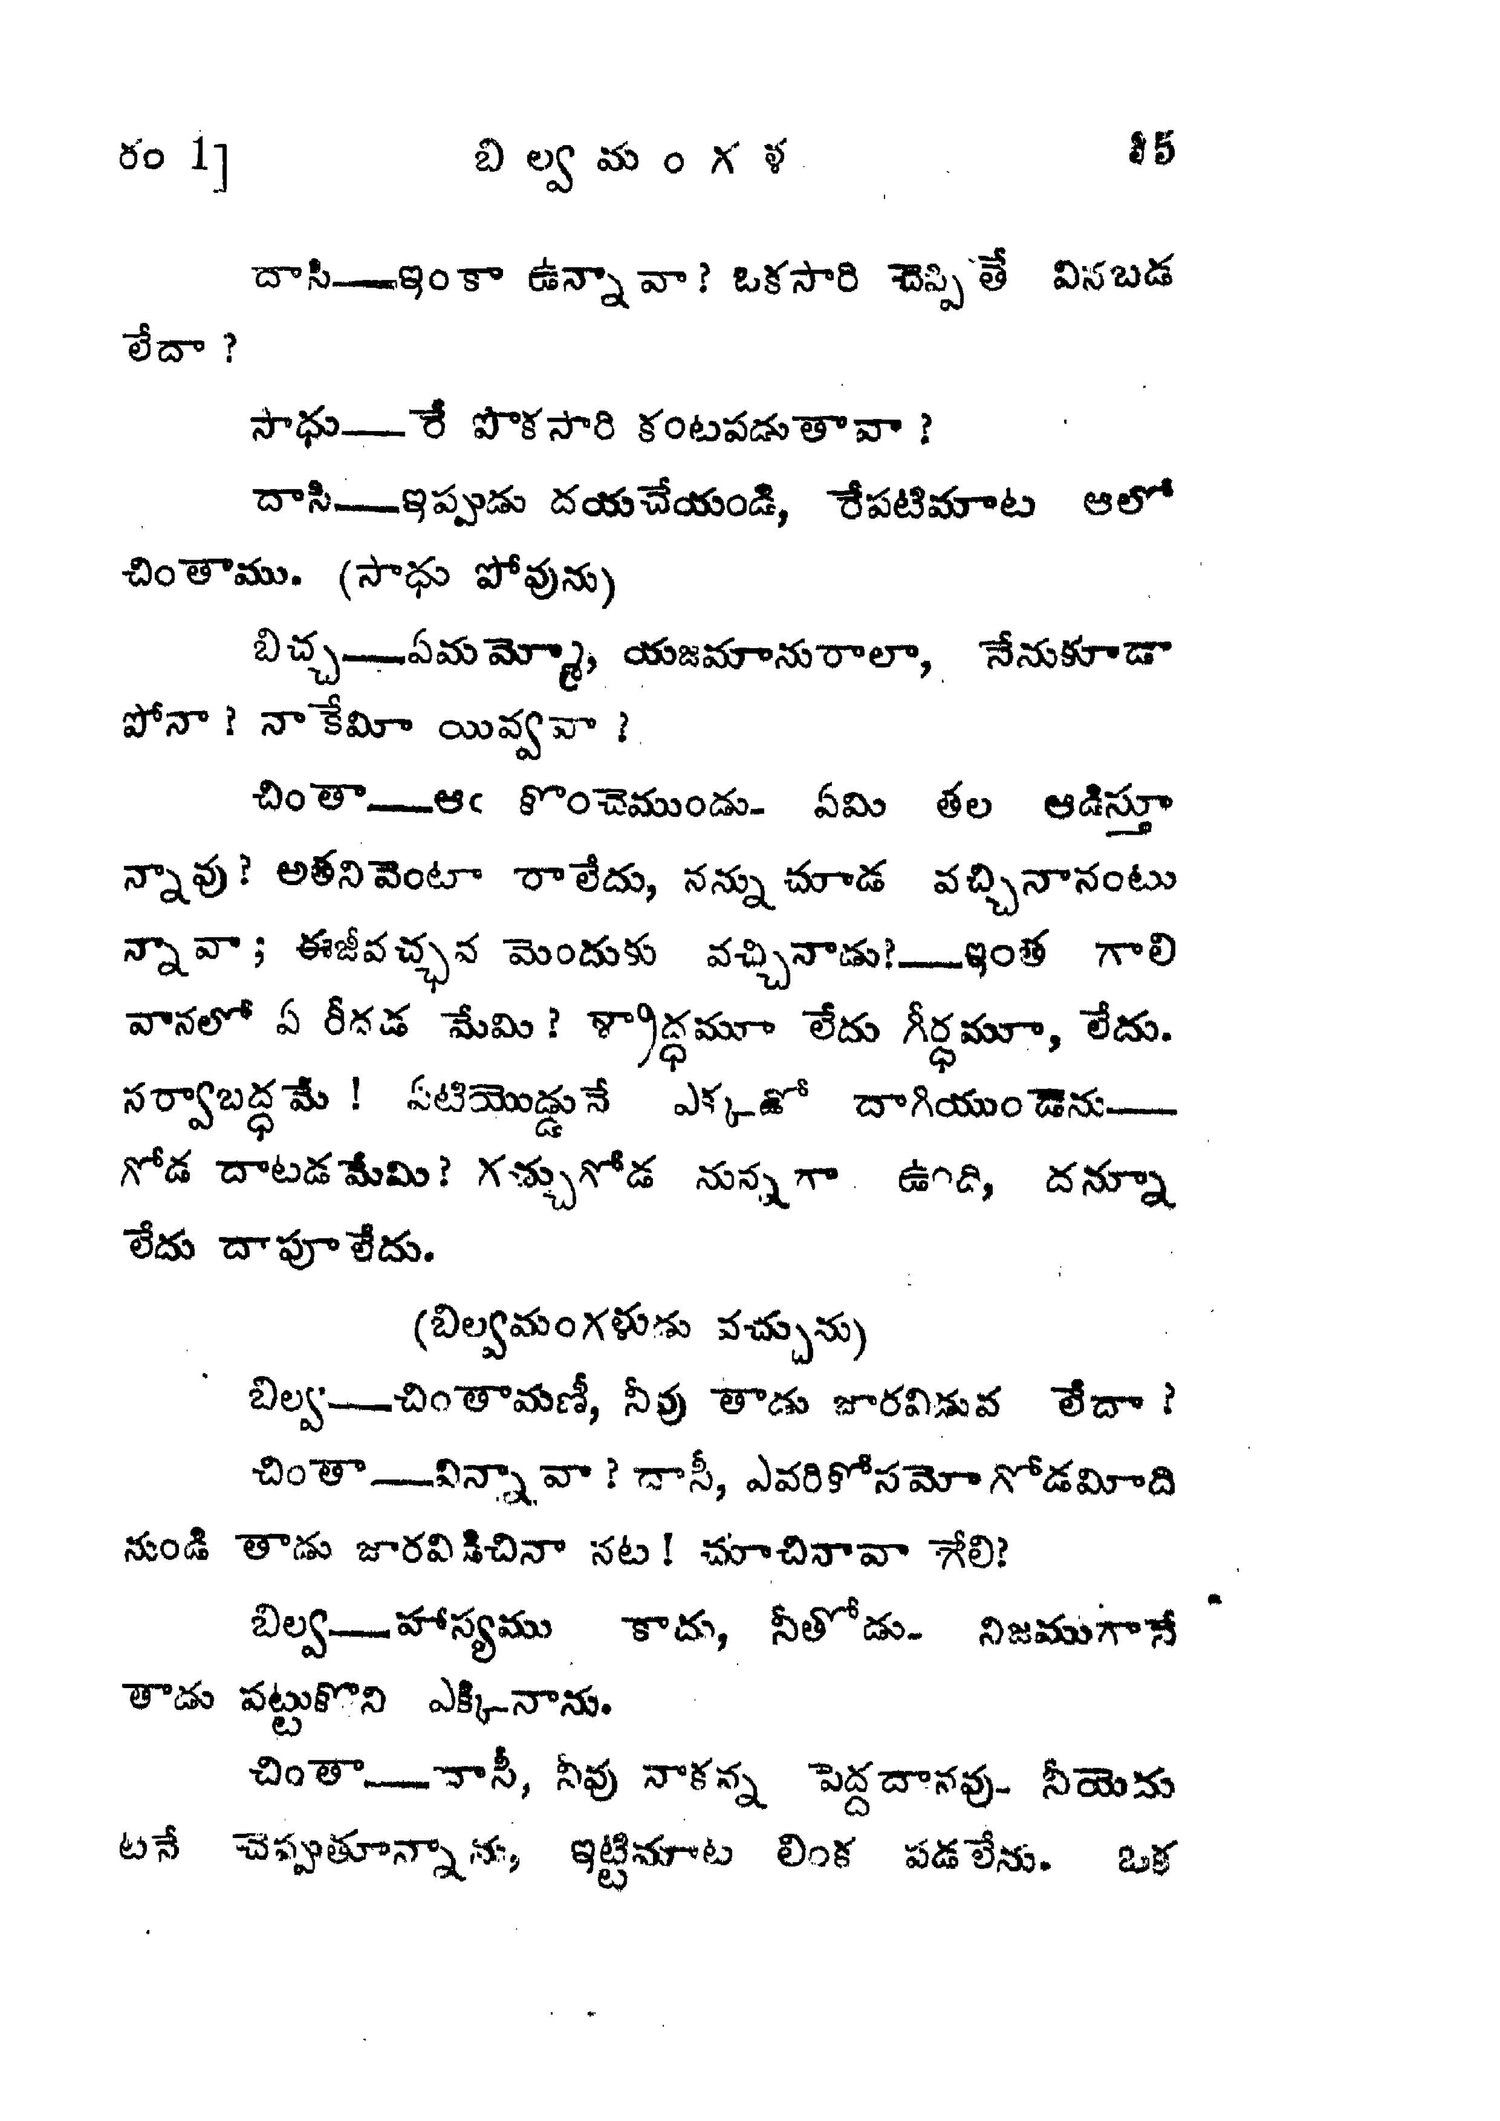దాసి - ఇంకా ఉన్నావా? ఒకసారి చెప్పితే వినబడ లేదా?

సాధు - రే పొకసారి కంటపడుతావా?

దాసి - ఇప్పుడు దయచేయండి, రేపటిమాట ఆలోచింతాము. (సాధు పోవును)

బిచ్చ - ఏమమ్మో, యజమానురాలా, నేనుకూడా పోనా? నాకేమి యివ్వవా?

చింతా - ఆఁ కొంచెముండు - ఏమి తల ఆడిస్తూన్నావు? అతనివెంటా రాలేదు, నన్నుచూడ వచ్చినానంటున్నావా; ఈజీవచ్ఛవ మెందుకు వచ్చినాడు? - ఇంత గాలి వానలో ఏ రీదడ మేమి? శ్రాద్ధమూ లేదూ గీర్థమూ, లేదు. సర్వాబద్ధమే ! ఏటియొడ్డునే ఎక్కడీ దాగియుండెను - గోడ దాటడమేమి? గచ్చుగోడ నున్నగా ఉంది, దన్నూ లేదు దావూలేదు.

బిల్వ - చింతామణీ, నీవు తాడు జారవిడువ లేదా?

చింతా - విన్నావా? దాసీ, ఎవరికోసమో గోడమీది నుండి తాడు జారవిడిచినా నట? చూచినావా గేలి?

బిల్వ - హాస్యము కాదు, నీతోడు - నిజముగానే తాడు పట్టుకొని ఎక్కినాను.

చింతా - దాసీ, నీవు నాకన్న పెద్దదానవు - నీయెదుటనే చెప్పుతూన్నాను, ఇట్టిమాట లింక పడలేను. ఒక